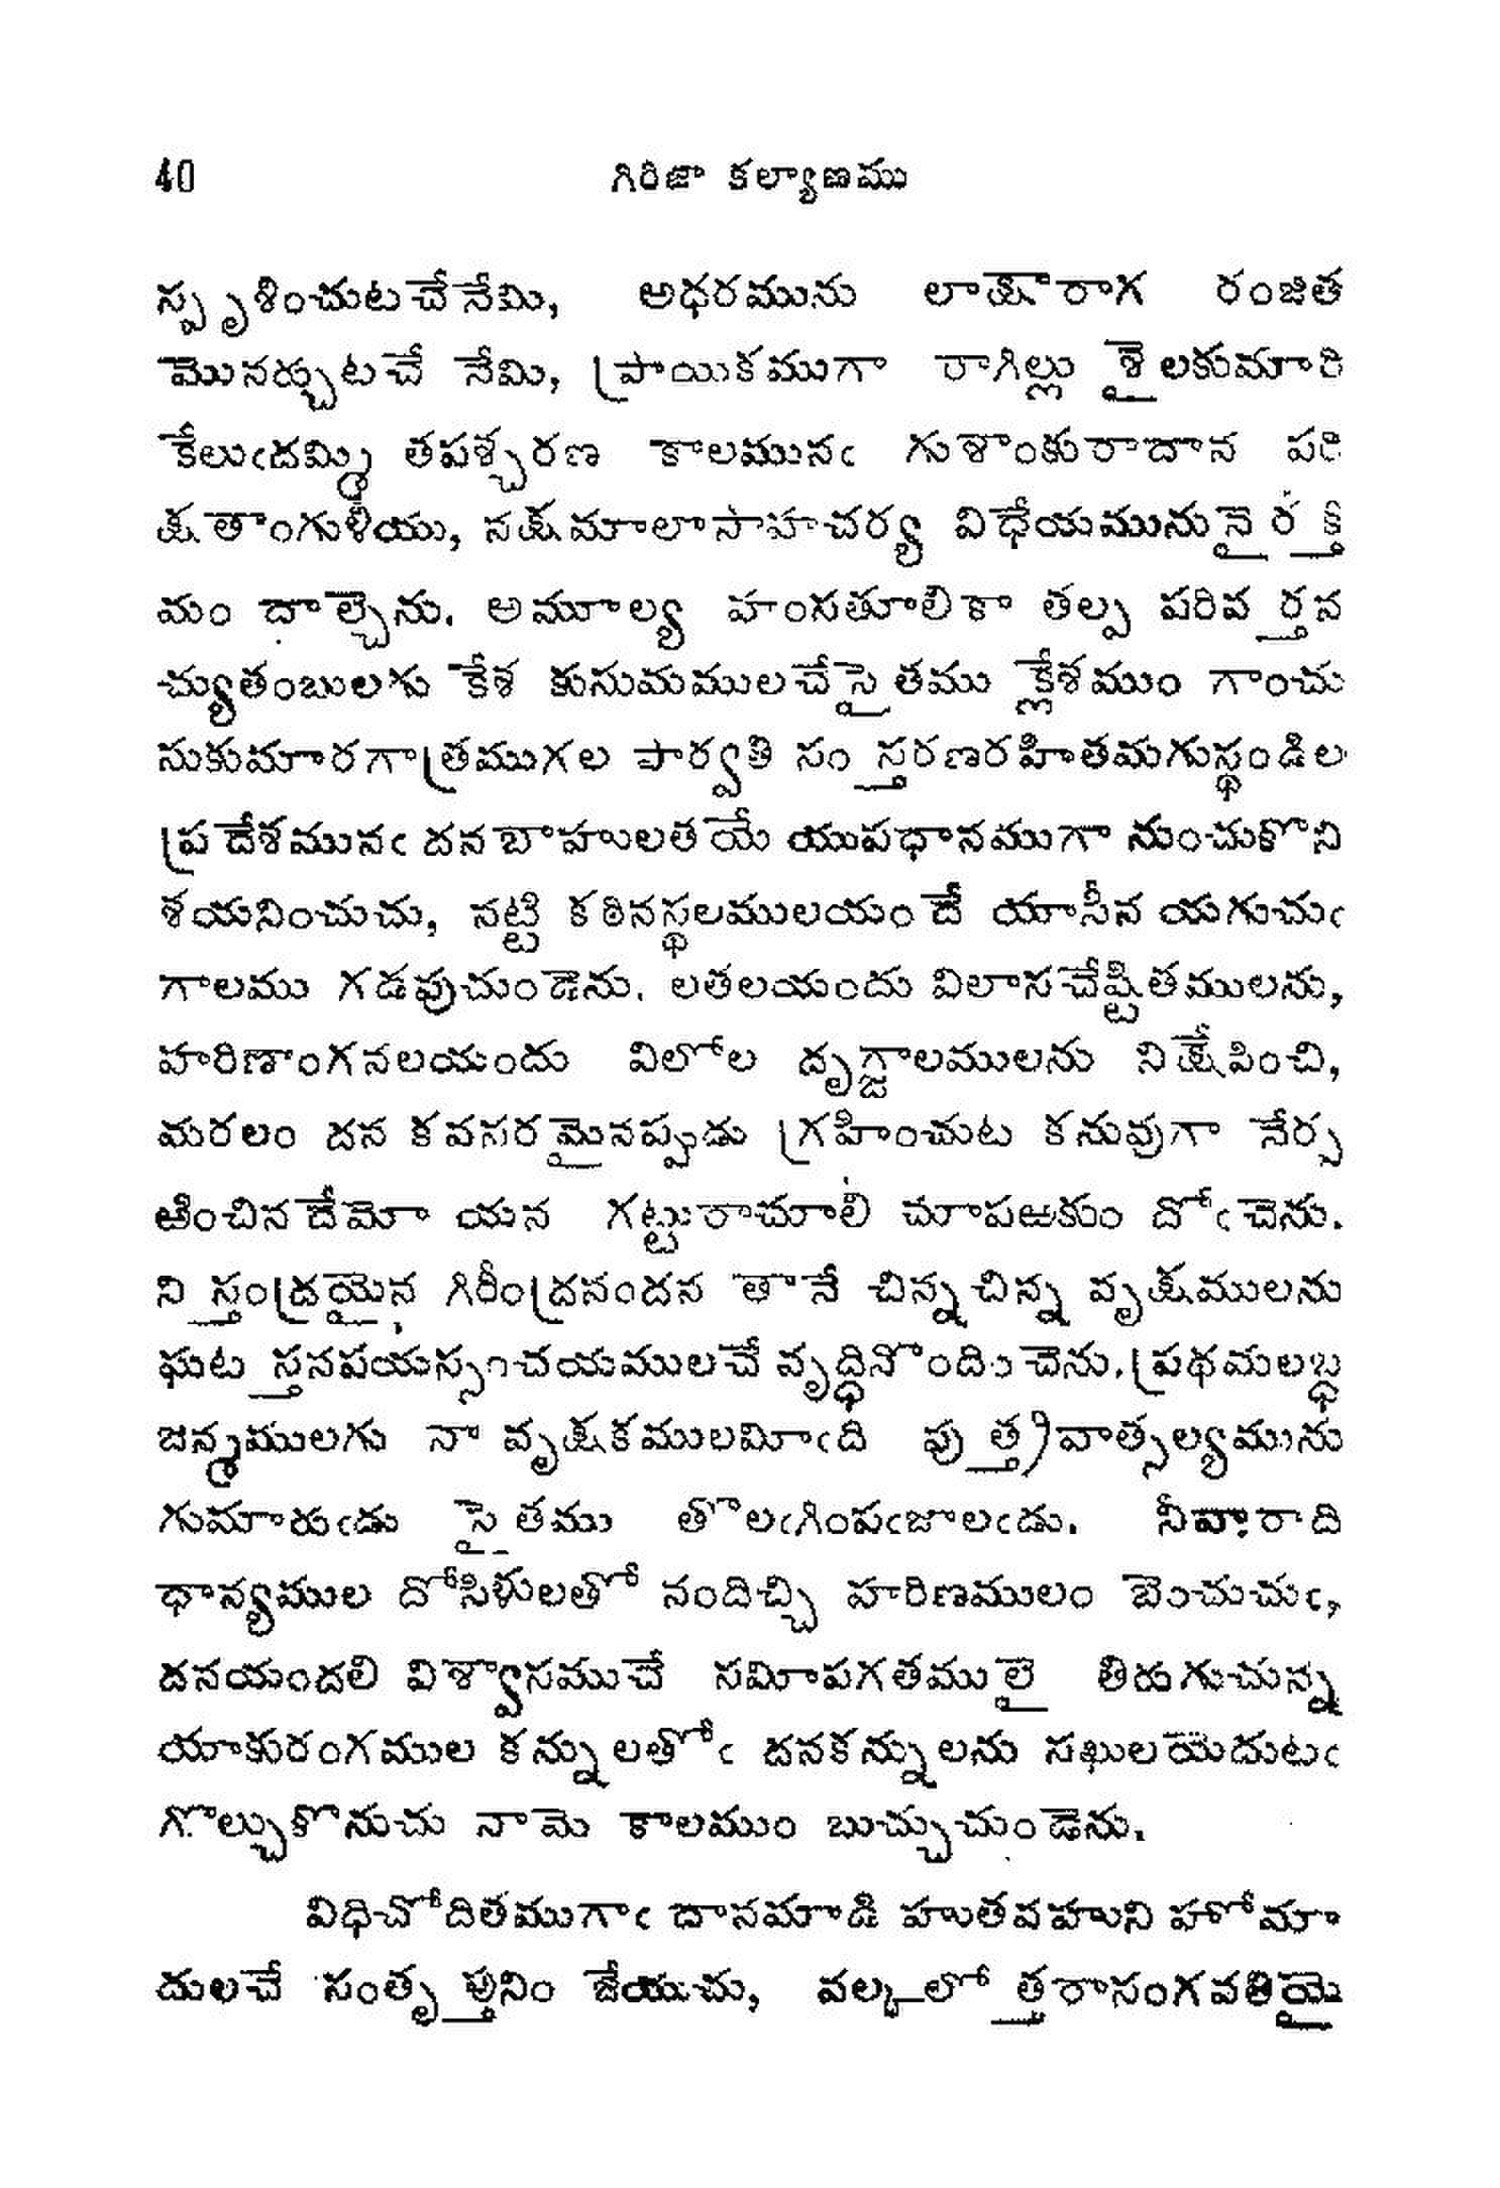స్పృశించుటచేనేమి, అధరమును లాక్షా రాగ రంజిత మొనర్చుటచే నేమి, ప్రాయికముగా రాగిల్లు శైలకుమారి కేలుఁదమ్మి తపశ్చరణ కాలమునఁ గుశాంకు రాదాన పరిక్షతాంగుళియు, నక్షమాలా సాహచర్య విధేయమును నై రక్తిమం దాల్చెను. అమూల్య హంసతూలికా తల్ప పరివర్తన చ్యుతంబులగు కేశ కుసుమములచే సైతము క్లేశముం గాంచు సుకుమారగాత్రము గల పార్వతి సంస్తరణరహితమగుస్థండిల ప్రదేశమునఁ దన బాహులతయే యుపధానముగా నుంచుకొని శయనించుచు, నట్టి కఠినస్థలములయందే యాసీన యగుచుఁ గాలము గడుపుచుండెను. లతలయందు విలాస చేష్టితములను, హరిణాంగనల యందు విలోల దృగ్జాలములను నిక్షేపించి, మరలం దన కవసరమైనప్పుడు గ్రహించుట కనువుగా నేర్పఱించిన దేమో యన గట్టురాచూలి చూపఱకుం దోఁచెను. ని స్తంద్రయైన గిరీంద్రనందన తానే చిన్న చిన్న వృక్షములను ఘట స్తనపయస్సంచయములచే వృద్ధినొందిం చెను. ప్రథమలబ్ధ జన్మములగు నా వృక్షకములమీఁది పుత్రవాత్సల్యమును
గుమారుఁడు సైతము తొలఁగింపఁజూలఁడు. నీవారాది ధాన్యముల దోసిళులతో నందిచ్చి హరిణములం బెంచుచుఁ,
దనయందలి విశ్వాసముచే సమీపగతములై తిరుగుచున్న యాకురంగముల కన్నులతోఁ దనకన్నులను సఖులయెదుటఁ
గొల్చుకొనుచు నామె కాలముం బుచ్చుచుండెను.

విధిచోదితముగాఁ దానమాడి హుతవహుని హోమాదులచే సంతృప్తునిం జేయుచు, వల్కలోత్తరాసంగవతియై